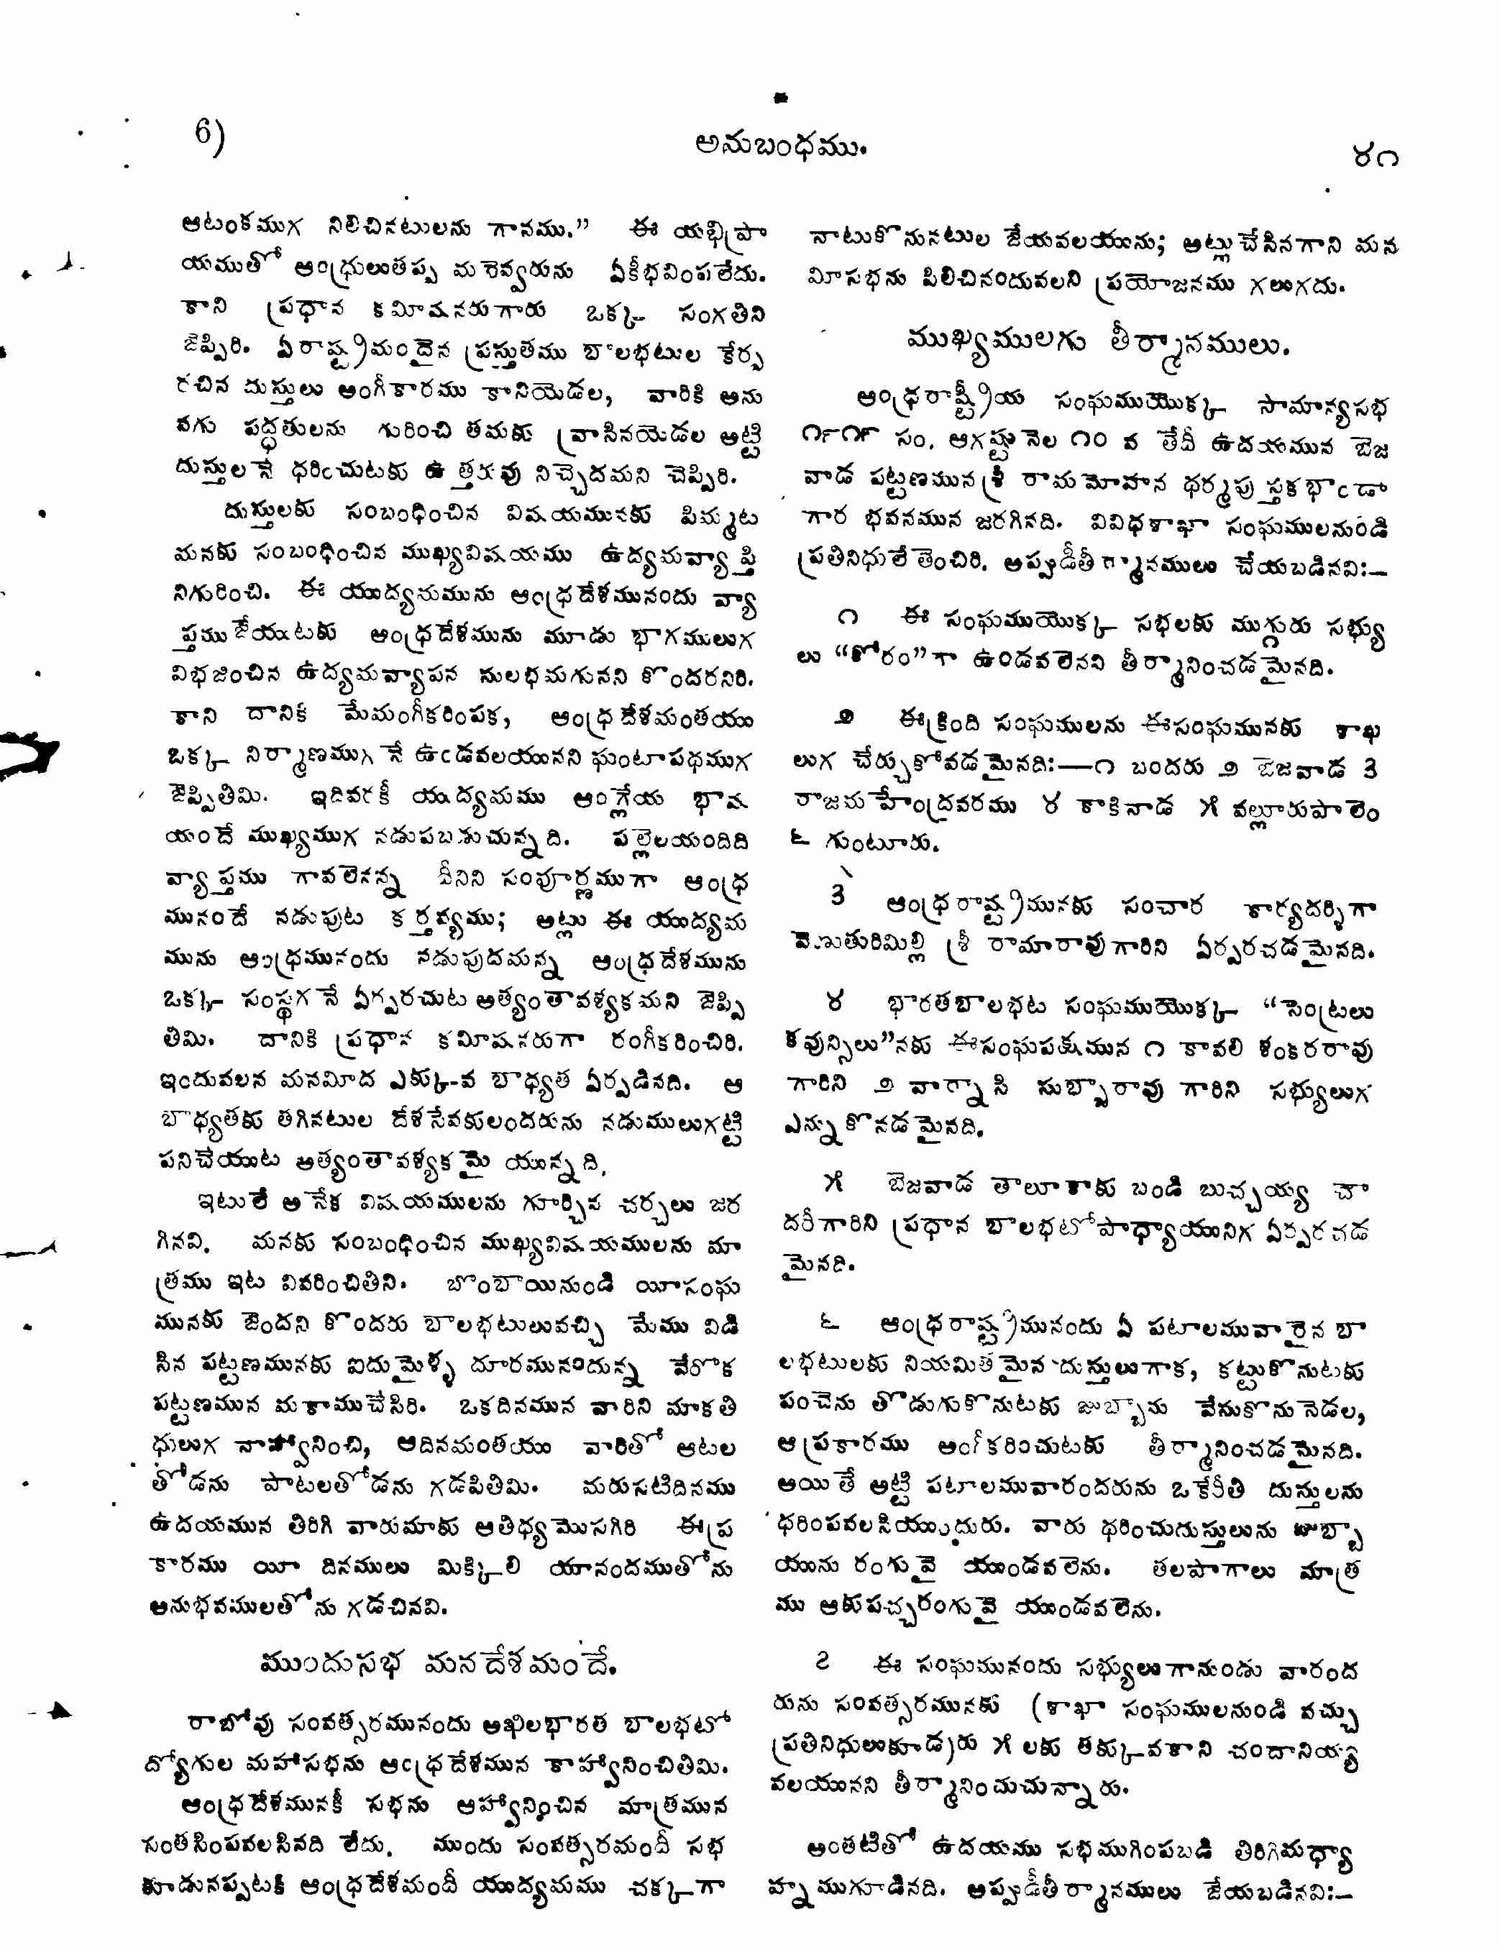నిలిచినటులను
ఆటంకముగ నిలిచినటులను గానము. ఈ యభిప్రాయముతో ఆంధ్రులుతప్ప మరెవ్వరును ఏకీభవింపలేదు. కాని ప్రధాన కమీషనరుగారు
ఒక్క సంగతిని జెప్పిరి. ఏరాష్ట్రమందైన ప్రస్తుతము బాలభటుల కేర్బరచిన దుస్తులు అంగీకారము కానియెడల, వారికి అనువగు పద్ధతులను గురించి తమకు వ్రాసినయెడల అట్టి దుస్తులనే ధరించుటకు ఉత్తరువు నిచ్చెదమని చెప్పిరి.

దుస్తులకు సంబంధించిన విషయమునకు పిమ్మట మనకు సంబంధించిన ముఖ్యవిషయము ఉద్యమవ్యాప్తినిగురించి. ఈ యుద్యనమును ఆంధ్రదేశమునందు వ్యాప్తి జేయుటకు ఆంధ్రదేశమును మూడు భాగములుగ విభజించిన ఉద్యమవ్యాపన సులభమగునని కొందరనిరి.
కాని దానికి మేమంగీకరింపక, ఆంధ్ర దేశమంతయు ఒక్క నిర్మాణముగనే ఉండవలయునని ఘంటాపధముగ జెప్పితిమి. ఇదివరకీ యద్యమము ఆంగ్లేయ భాషయందే ముఖ్యముగ నడుపబడుచున్నది. పల్లెలయందరి వ్యాప్తము గావలెనన్న దీనిని సంపూర్ణముగా ఆంధ్ర
మునందే నడుపుట కర్తవ్యము; అట్లు ఈ యుద్యమమును ఆంధ్రమునందు నడుపుదమన్న ఆంధ్రదేశమును ఒక్క సంస్థగనే ఏర్పరచుట అత్యంతావశ్యకమని జెప్పితిమి. దానికి ప్రధాన కమీషనరుగా రంగీకరించిరి. ఇందువలన మనమీద ఎక్కువ బాధ్యత ఏర్పడినది. ఆ
బాధ్యతకు తగినటులు దేశసేవకులందరును నడుములుగట్టి పనిచేయుట అత్యంతావశ్యకమై యున్నది.

ఇటులే అనేక విషయములను గూర్చిన చర్చలు జరగినవి. మనకు సంబంధించిన ముఖ్యవిషయములను మాత్రము ఇట వివరించితిని. బొంబాయినుండి యీసంఘమునకు జెందని కొందరు బాలభటులు వచ్చి మేము విడిసిన పట్టణమునకు ఐదు మైళ్ళ దూరమునందున్న వేరొక పట్టణమున మకాము చేసిరి. ఒకదినమున వారిని మాకతిధులుగ నాహ్వానించి, ఆదినమంతయు వారితో ఆటలతోడు పాటలతోడను గడపితిమి. మరుసటిదినము ఉదయమున తిరిగి వారు మాకు ఆతిధ్యమొసగిరి ఈప్రకారము యీ దినములు మిక్కిలి యానందముతోను
అనుభవములతోను గడచినవి.

రాబోవు సంవత్సరమునందు అఖిలభారత బాలభటోద్యోగుల మహాసభను ఆంధ్రదేశమున కాహ్వానించితిమి.

ఆంధ్రదేశమునకీ సభను ఆహ్వానించిన మాత్రమున గంత సింపదలవలసినది లేదు. ముందు సంవత్సరమందీ సభ కూడునప్పటకి ఆంధ్రదేశమందీ యుద్యమము చక్కగా నాటుకొనునటుల జేయవలయును; అట్లు చేసిన గాని మన మీ సభను పిలిచినందువలని ప్రయోజనము గలుగదు.

ఆంధ్రరాష్ట్రీయ సంఘము యొక్క సామాన్యసభ ౧౯౧౯ సం. ఆగష్టు నెల ౧౦ వ తేదీ ఉదయమున బెజవాడ పట్టణమున 
శ్రీ రామమోహన ధర్మపుస్తక భాండాగార భవనమున జరిగినది. వివిధశాఖా సంఘములనుండి ప్రతినిధులే తెంచిరి. అప్పుడీ తీర్మానములు చేయబడినవి:౼

౧ ఈ సంఘముయొక్క సభలకు ముగ్గురు సభ్యులు “కోరం"గా ఉండవలెనని తీర్మానించడమైనది.

౨ ఈక్రింది సంఘములను ఈసంఘమునకు శాఖలుగ చేర్చుకోవడమైనది: ౧. బందరు ౨. బెజవాడ 3. రాజమహేంద్రవరము 
౪.కాకినాడ ౫. వల్లూరుపాలెం ౬. గుంటూరు.

3 ఆంధ్రరాష్ట్రమునకు సంచార కార్యదర్శిగా వెణుతురిమిల్లి శ్రీ రామారావు గారిని ఏర్పరచడమైనది.

४ భారతబాలభట సంఘము యొక్క "సెంట్రలుకావున్సిలు” నకు ఈ సంఘపక్షమున ౧ కావలి శంకరరావుగారిని ౨ వార్నాని సుబ్బారావు గారిని సభ్యులుగ ఎన్నుకొనడమైనది.

౫ బెజవాడ తాలూకాకు బండి బుచ్చయ్య చౌదరీగారిని ప్రధాన బాలభటోపాధ్యాయుని ఏర్పరచడమైనది.

౬ ఆంధ్రరాష్ట్రమునందు ఏ పటాలము వారైన బాలభటులకు నియమితమైన దుస్తులు గాక, కట్టుకొనుటకు పంచెను తొడుగుకొనుటకు జుబ్బాను వేసుకొనునెడల, ఆప్రకారము అంగీకరించుటకు తీర్మానించడమైనది. అయితే అట్టి పటాలమువారందరును ఒకేరీతి దుస్తులను
ధరింపవలసియుందురు. వారు ధరించుగుస్తులును జుబ్బాయును రంగువై యుండవలెను. తలపాగాలు మాత్రము ఆకుపచ్చరంగువై యుండవలెను.

౭ ఈ సంఘమునందు సభ్యులుగానుండు వారందరును సంవత్సరమునకు (శాఖా సంఘములనుండి వచ్చు ప్రతినిధులకూడ)రు ౫ లకు తక్కువకాని చందానియ్యవలయునని తీర్మానించుచున్నారు.

అంతటితో ఉదయము సభముగింపబడి తిరిగి మధ్యాహ్నముగూడినది. అప్పుడీ తీర్మానములు జేయబడినవి:౼